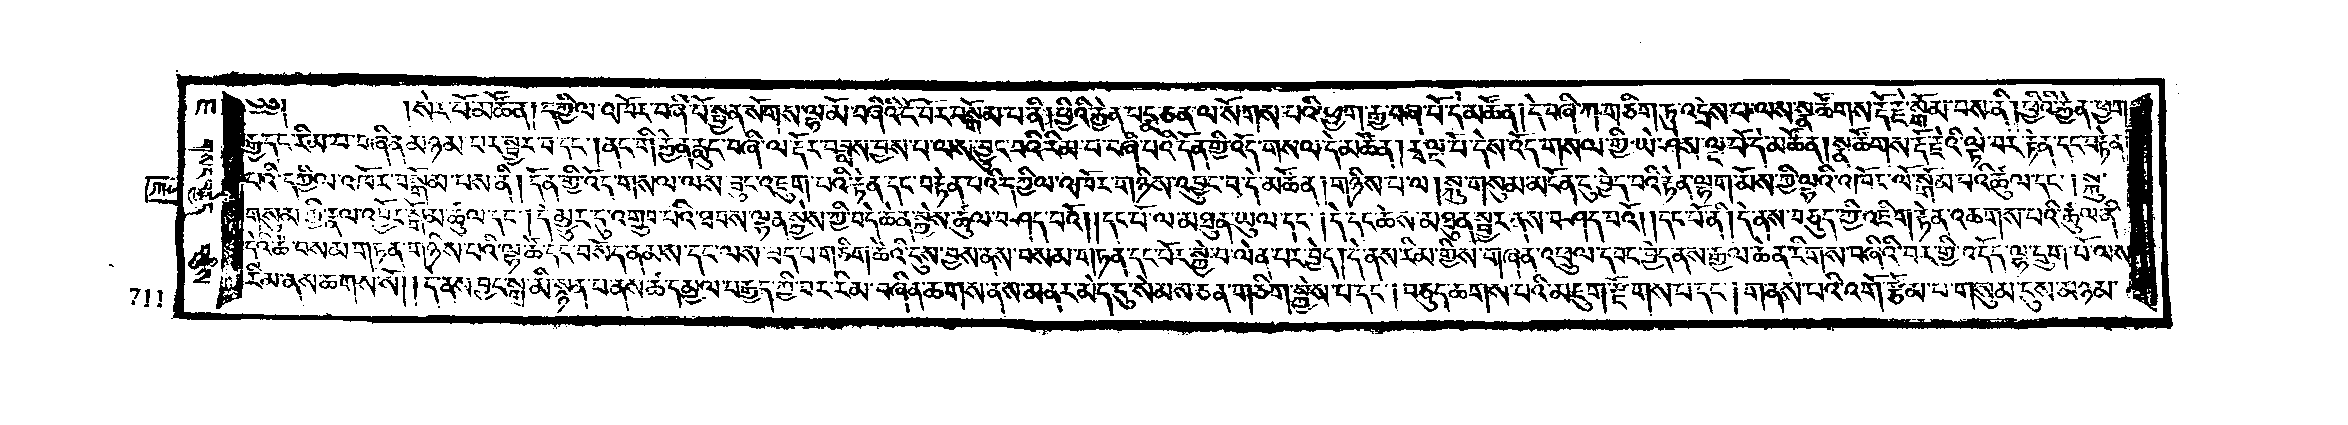༄༅། །སེར་པོ་མཚོན། དཀྱིལ་འཁོར་བཞི་པོ་སྤྱན་སོགས་ལྷ་མོ་བཞིའི་ངོ་བོར་བསྒོམ་པ་ནི། ཕྱིའི་རྐྱེན་པདམ་ཅན་ལ་སོགས་པའི་ཕྱག་རྒྱ་བཞི་པོ་དེ་མཚོན། དེ་བཞི་ཀ་གཅིག་ཏུ་འདྲེས་པ་ལས་སྣ་ཚོགས་རྡོ་རྗེ་སྒོམ་པས་ནི། ཕྱིའི་རྐྱེན་ཕྱག་
རྒྱ་དང་རིམ་པ་བཞིན་མཉམ་པར་སྦྱར་བ་དང་། ནང་གི་རྐྱེན་རླུང་བཞི་ལ་རྡོར་བཟླས་བྱས་པ་ལས་བྱུང་བའི་རིམ་པ་བཞི་པའི་དོན་གྱི་འོད་གསལ་དེ་མཚོན། རྭ་ལྔ་པོ་དེས་འོད་གསལ་གྱི་ཡེ་ཤེས་ལྔ་པོ་དེ་མཚོན། སྣ་ཚོགས་རྡོ་རྗེའི་ལྟེ་བར་རྟེན་དང་བརྟེན་
པའི་དཀྱིལ་འཁོར་བསྒོམ་པས་ནི། དོན་གྱི་འོད་གསལ་ལས་ཟུང་འཇུག་པའི་རྟེན་དང་བརྟེན་པའི་དཀྱིལ་འཁོར་གཉིས་འབྱུང་བ་དེ་མཚོན། གཉིས་པ་ལ། སྐུ་གསུམ་མངོན་དུ་བྱེད་པའི་རྟེན་ལྷག་མོས་ཀྱི་ལྷའི་འཁོར་ལོ་སྒོམ་པའི་ཚུལ་དང་། སྐུ་
གསུམ་གྱི་རྣལ་འབྱོར་སྒོམ་ཚུལ་དང་། དེ་མྱུར་དུ་འགྲུབ་པའི་ཐབས་ལྷན་སྐྱེས་ཀྱི་བདེ་ཆེན་སྐྱེས་ཚུལ་བཤད་པའོ། །དང་པོ་ལ་མཐུན་ཡུལ་དང་། དེ་དང་ཆོས་མཐུན་སྦྱར་ནས་བཤད་པའོ། །དང་པོ་ནི། དེ་ནས་བཅུད་ཀྱི་འཇིག་རྟེན་འཆགས་པའི་ཚུལ་ནི།
དེའི་ཚེ་བསམ་གཏན་གཉིས་པའི་ལྷ་ཚེ་དང་བསོད་ནམས་དང་ལས་ཟད་པ་གཅིག་ཚེའི་དུས་བྱས་ནས་བསམ་གཏན་དང་པོར་སྐྱེ་བ་ལེན་པར་བྱེད། དེ་ནས་རིམ་གྱིས་གཞན་འཕྲུལ་དབང་བྱེད་ནས་རྒྱལ་ཆེན་རིགས་བཞིའི་བར་གྱི་འདོད་ལྷ་དྲུག་པོ་ཡས་
རིམ་ནས་ཆགས་སོ། །དེ་ནས་བྱང་སྒྲ་མི་སྙན་པ་ནས་ཚེ་དམྱལ་བརྒྱད་ཀྱི་བར་རིམ་བཞིན་ཆགས་ནས་མནར་མེད་དུ་སེམས་ཅན་གཅིག་སྐྱེས་པ་དང་། བཅུད་ཆགས་པའི་མཇུག་རྫོགས་པ་དང་། གནས་པའི་འགོ་རྩོམ་པ་གསུམ་དུས་མཉམ་